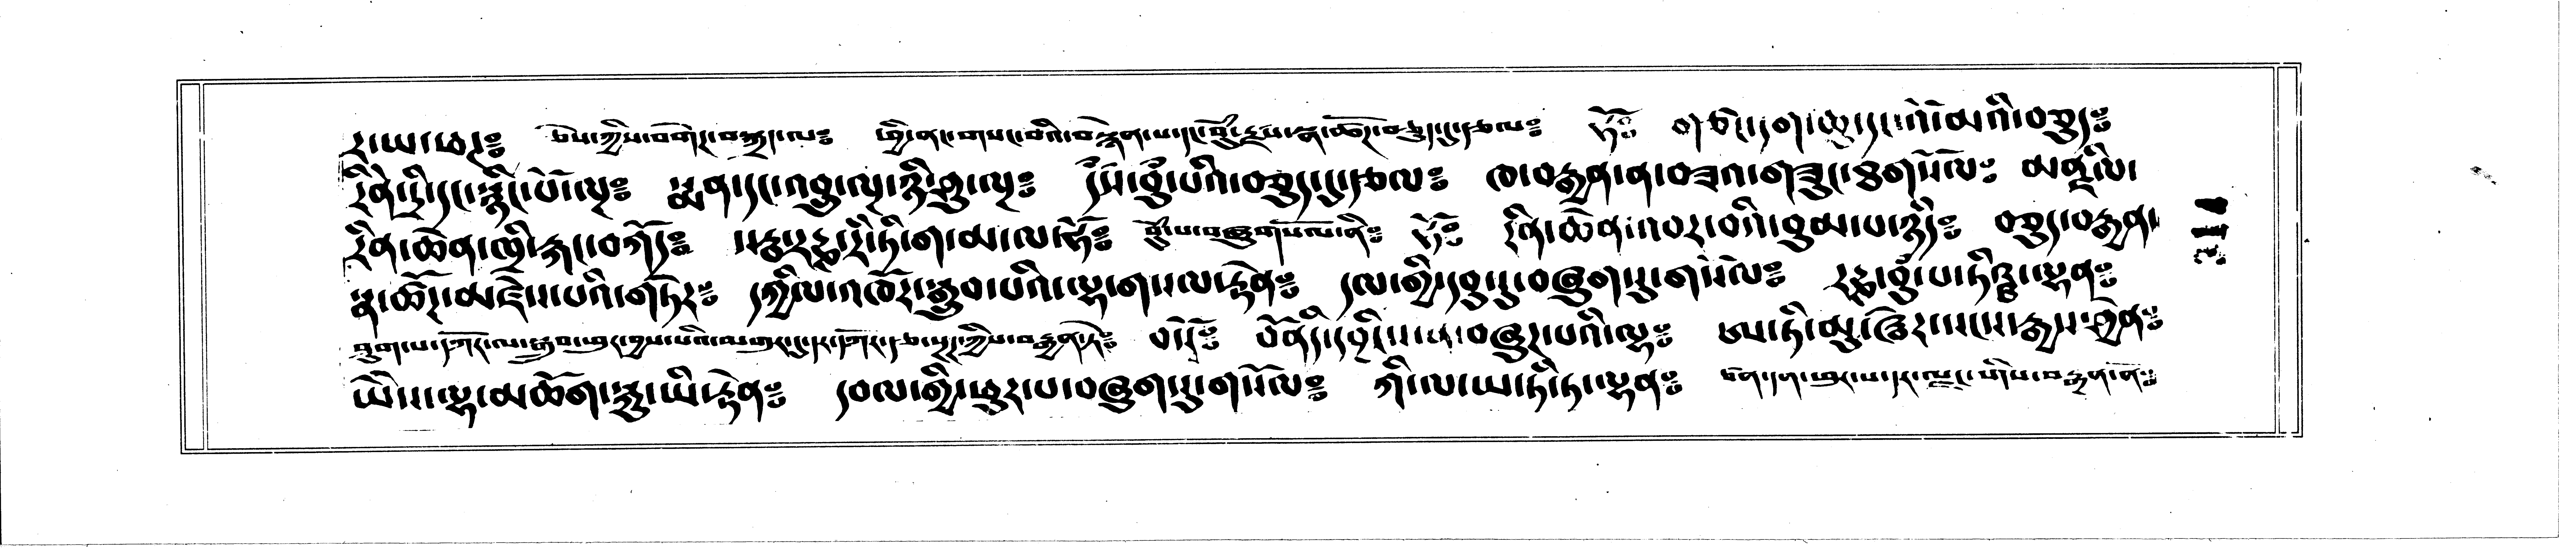ར་ཡ་ཕཊ༔ ཅེས་ཀྱིས་བགེགས་བསྐྲད་ལ༔ ཕྱི་ནང་གསང་བའི་བསྙེན་པ་དང་བུམ་རྫས་སྣ་ཚོགས་བཅུད་དུ་བརྩལ༔ ཧོཿ གཙང་དག་ཆུ་དང་འོ་མའི་བཅུད༔ 
རིན་ཆེན་དྲི་དང་སྙིང་པོ་ལྔ༔ སྨན་དང་འབྲུ་ལྔ་ཉི་ཤུ་ལྔ༔ དམ་རྫས་བུམ་པའི་བཅུད་དུ་རྩལ༔ ཁ་རྒྱན་ན་བཟའ་གཟུངས་ཐག་གསོལཿ མཎྜལ་གྱི་
རིན་ཆེན་ཁྲི་རྐང་བཀོད༔ སརྦ་རདྞ་རི་ཏི་གར་མ་ལ་ཧོ༔ བུམ་པ་བཞུགས་གསོལ་ནི༔ ཧོ༔ རིན་ཆེན་འབར་བའི་བུམ་པ་ཉིད༔ བཅུད་བརྒྱན་
སྣ་ཚོགས་མཛེས་པའི་གཏེར༔ དཀྱིལ་འཁོར་སྒྲུབ་པའི་ལྷ་གསས་རྟེན༔ དལ་གྱི་དབུས་སུ་བཞུགས་སུ་གསོལ༔ རདྞ་བུམ་པ་ཏིའྛ་ལྷན༔ 
ཤུག་པ་དཀར་པོ་ལ་སྒྲུབ་ཕུར་བྱས་པའི་མགུར་དུ་དར་དཀར་པོ་རྩ་སྔགས་ཀྱིས་བརྒྱན་ཏེ༔ བསྭོ༔ བོན་ཉིད་དབྱིངས་ན་བཞུགས་པའི་ལྷ༔ ཨ་ཏི་མུ་ཝེར་སངས་རྒྱས་གཤེན༔
 ཡེ་ཤེས་ལྷ་མཆོག་སྐུ་ཡི་རྟེན༔ དབལ་གྱི་ཕུར་པ་བཞུགས་སུ་གསོལ༔ ཀི་ལ་ཡ་ཏི་ཏ་ལྷན༔ ཙན་དན་ཕུར་པ་དར་ལྗང་གིས་བརྒྱན་ནོ༔